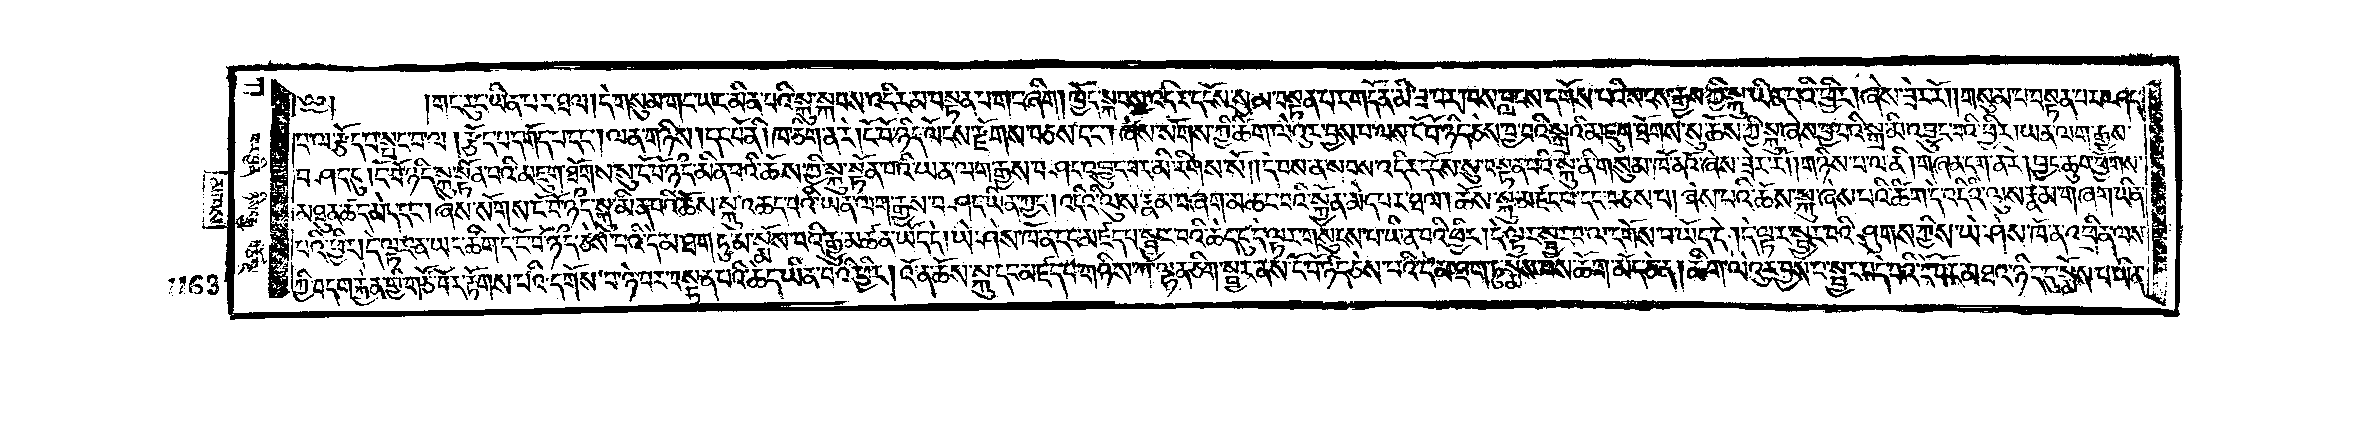༄༅། །གང་རུང་ཡིན་པར་ཐལ། དེ་གསུམ་གང་ཡང་མིན་པའི་སྐུ་སྐབས་འདིར་མ་བསྟན་པ་གང་ཞིག། ཁྱོད་སྐབས་འདིར་དངོས་སུ་མ་བསྟན་པར་གདོན་མི་ཟ་བར་ཁས་བླངས་དགོས་པའི་སངས་རྒྱས་ཀྱི་སྐུ་ཡིན་པའི་ཕྱིར། ཞེས་ཟེར་རོ། །གསུམ་པ་བསྟན་པར་བཤད་
པ་ལ་རྩོད་པ་སྤང་བ་ལ། རྩོད་པ་དགོད་པ་དང་། ལན་གཉིས། དང་པོ་ནི། ཁ་ཅིག་ན་རེ། ངོ་བོ་ཉིད་ལོངས་རྫོགས་བཅས་དང་། ཞེས་སོགས་ཀྱི་ཚིག་ལེའུར་བྱས་པ་ལས་ངོ་བོ་ཉིད་ཅེས་བྱ་བའི་སྒྲའི་མཇུག་ཐོགས་སུ་ཆོས་ཀྱི་སྐུ་ཞེས་བྱ་བའི་སྒྲ་མི་འབྱུང་བའི་ཕྱིར། ཡན་ལག་རྒྱས་
བཤད་དུ། ངོ་བོ་ཉིད་སྐུ་སྟོན་པའི་མཇུག་ཐོགས་སུ་ངོ་བོ་ཉིད་མིན་པའི་ཆོས་ཀྱི་སྐུ་སྟོན་པའི་ཡན་ལག་རྒྱས་བཤད་འབྱུང་བར་མི་རིགས་སོ། །དེ་བས་ན་སྐབས་འདིར་དངོས་སུ་བསྟན་པའི་སྐུ་ནི་གསུམ་ཁོ་ནའོ་ཞེས་ཟེར་རོ། །གཉིས་པ་ལ་ནི། གཞན་དག་ན་རེ། བྱང་ཆུབ་ཕྱོགས་
མཐུན་ཚད་མེད་དང་། ཞེས་སོགས་ངོ་བོ་ཉིད་སྐུ་མིན་པའི་ཆོས་སྐུ་འཆད་པའི་ཡན་ལག་རྒྱས་བཤད་ཡིན་ཀྱང་། འདིའི་ལུས་རྣམ་བཞག་མ་ཚང་བའི་སྐྱོན་མེད་པར་ཐལ། ཆོས་སྐུ་མཛད་པ་དང་བཅས་པ། ཞེས་པའི་ཆོས་སྐུ་ཞེས་པའི་ཚིག་དེ་འདིའི་ལུས་རྣམ་གཞག་ཡིན་
པའི་ཕྱིར། དེ་ལྟར་ན་ཡང་ཚིག་དེ་ངོ་བོ་ཉིད་ཅེས་པའི་དེ་མ་ཐག་ཏུ་མ་སྨོས་པའི་རྒྱུ་མཚན་ཡོད་དེ། ཡེ་ཤེས་ཁོ་ན་དང་མཛད་པ་སྦྱར་བའི་ཆེད་དུ་དེ་ལྟར་གསུངས་པ་ཡིན་པའི་ཕྱིར། དེ་ལྟར་སྦྱར་བ་ལ་དགོས་པ་ཡོད་དེ། དེ་ལྟར་སྦྱར་བའི་ཤུགས་ཀྱིས་ཡེ་ཤེས་ཁོ་ན་འཕྲིན་ལས་
ཀྱི་བདག་རྐྱེན་གྱི་གཙོ་བོར་རྟོགས་པའི་དགོས་པ་ཉེ་བར་བསྟན་པའི་ཆེད་ཡིན་པའི་ཕྱིར། འོ་ན་ཆོས་སྐུ་དང་མཛད་པ་གཉིས་ཀ་ལྷན་ཅིག་སྦྱར་ནས་ངོ་བོ་ཉིད་ཅེས་པའི་དེ་མ་ཐག་ཏུ་སྨོས་བས་ཆོག་མོད་ཅེ་ན། ཚིག་ལེའུར་བྱས་པ་སྦྱར་བདེ་བའི་ངོ་བོར་མཐའ་ཉིད་དུ་སྨོས་པ་ཡིན་